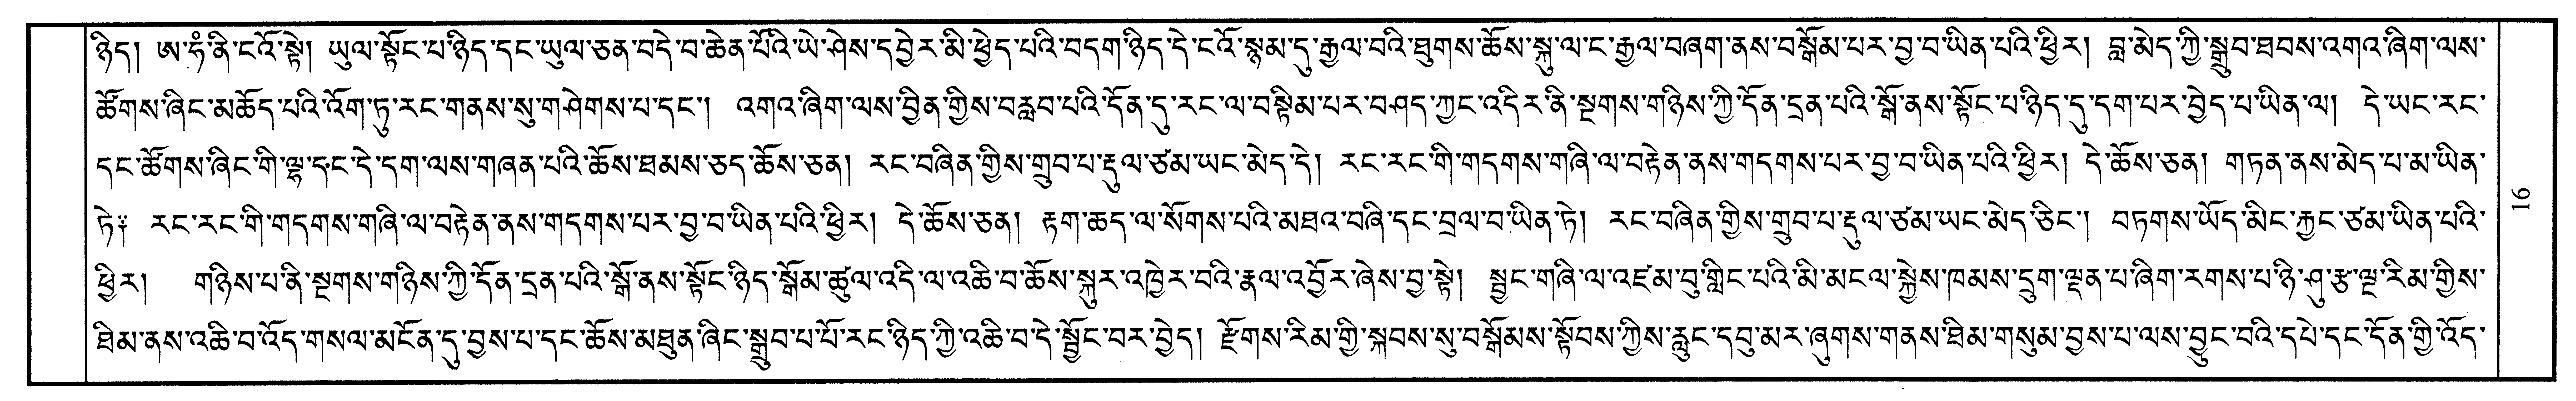ཉིད། ཨ་ཧཾ་ནི་ངའོ་སྟེ། ཡུལ་སྟོང་པ་ཉིད་དང་ཡུལ་ཅན་བདེ་བ་ཆེན་པོའི་ཡེ་ཤེས་དབྱེར་མི་ཕྱེད་པའི་བདག་ཉིད་དེ་ངའོ་སྙམ་དུ་རྒྱལ་བའི་ཐུགས་ཆོས་སྐུ་ལ་ང་རྒྱལ་བཞག་ནས་བསྒོམ་པར་བྱ་བ་ཡིན་པའི་ཕྱིར། བླ་མེད་ཀྱི་སྒྲུབ་ཐབས་འགའ་ཞིག་ལས་
ཚོགས་ཞིང་མཆོད་པའི་འོག་ཏུ་རང་གནས་སུ་གཤེགས་པ་དང་། འགའ་ཞིག་ལས་བྱིན་གྱིས་བརླབ་པའི་དོན་དུ་རང་ལ་བསྟིམ་པར་བཤད་ཀྱང་འདིར་ནི་སྔགས་གཉིས་ཀྱི་དོན་དྲན་པའི་སྒོ་ནས་སྟོང་པ་ཉིད་དུ་དག་པར་བྱེད་པ་ཡིན་ལ། དེ་ཡང་རང་
དང་ཚོགས་ཞིང་གི་ལྷ་དང་དེ་དག་ལས་གཞན་པའི་ཆོས་ཐམས་ཅད་ཆོས་ཅན། རང་བཞིན་གྱིས་གྲུབ་པ་རྡུལ་ཙམ་ཡང་མེད་དེ། རང་རང་གི་གདགས་གཞི་ལ་བརྟེན་ནས་གདགས་པར་བྱ་བ་ཡིན་པའི་ཕྱིར། དེ་ཆོས་ཅན། གཏན་ནས་མེད་པ་མ་ཡིན་
ཏེ༑ རང་རང་གི་གདགས་གཞི་ལ་བརྟེན་ནས་གདགས་པར་བྱ་བ་ཡིན་པའི་ཕྱིར། དེ་ཆོས་ཅན། རྟག་ཆད་ལ་སོགས་པའི་མཐའ་བཞི་དང་བྲལ་བ་ཡིན་ཏེ། རང་བཞིན་གྱིས་གྲུབ་པ་རྡུལ་ཙམ་ཡང་མེད་ཅིང་། བཏགས་ཡོད་མིང་རྐྱང་ཙམ་ཡིན་པའི་
ཕྱིར། གཉིས་པ་ནི་སྔགས་གཉིས་ཀྱི་དོན་དྲན་པའི་སྒོ་ནས་སྟོང་ཉིད་སྒོམ་ཚུལ་འདི་ལ་འཆི་བ་ཆོས་སྐུར་འཁྱེར་བའི་རྣལ་འབྱོར་ཞེས་བྱ་སྟེ། སྦྱང་གཞི་ལ་འཛམ་བུ་གླིང་པའི་མི་མངལ་སྐྱེས་ཁམས་དྲུག་ལྡན་པ་ཞིག་རགས་པ་ཉི་ཤུ་རྩ་ལྔ་རིམ་གྱིས་
ཐིམ་ནས་འཆི་བ་འོད་གསལ་མངོན་དུ་བྱས་པ་དང་ཆོས་མཐུན་ཞིང་སྒྲུབ་པ་པོ་རང་ཉིད་ཀྱི་འཆི་བ་དེ་སྦྱོང་བར་བྱེད། རྫོགས་རིམ་གྱི་སྐབས་སུ་བསྒོམས་སྟོབས་ཀྱིས་རླུང་དབུ་མར་ཞུགས་གནས་ཐིམ་གསུམ་བྱས་པ་ལས་བྱུང་བའི་དཔེ་དང་དོན་གྱི་འོད་